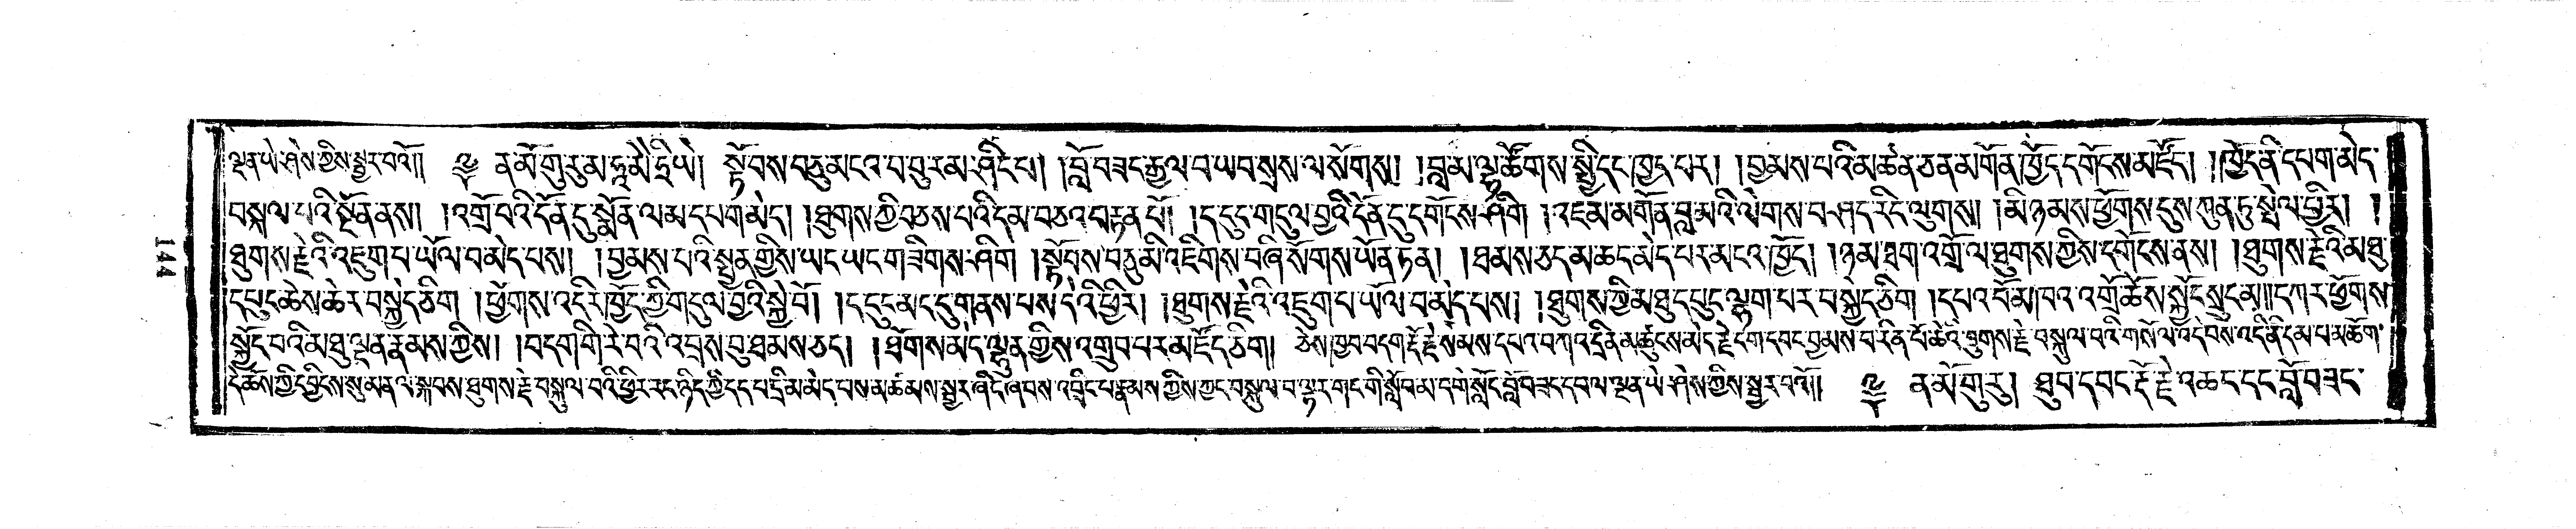ལྡན་ཡེ་ཤེས་ཀྱིས་སྦྱར་བའོ།། ༈ ན་མོ་གུ་རུ་མ་ཧཱ་མཻ་ཧྲི་ཡེ། སྟོབས་བཅུ་མངའ་བ་བུ་རམ་ཤིང་པ། །བློ་བཟང་རྒྱལ་བ་ཡབ་སྲས་ལ་སོགས། །བླ་མ་ལྷ་ཚོགས་སྤྱི་དང་ཁྱད་པར། །བྱམས་པའི་མཚན་ཅན་མགོན་ཁྱོད་དགོངས་མཛོད། །ཁྱོད་ནི་དཔག་མེད་
བསྐལ་པའི་སྔོན་ནས། །འགྲོ་བའི་དོན་དུ་སྨོན་ལམ་དཔག་མེད། །ཐུགས་ཀྱི་བཅས་པའི་དམ་བཅའ་བརྟན་པོ། །ད་དུང་གདུལ་བྱའི་དོན་དུ་དགོངས་ཤིག །འཇམ་མགོན་བླ་མའི་ལེགས་བཤད་རིང་ལུགས། །མི་ཉམས་ཕྱོགས་དུས་ཀུན་ཏུ་སྤེལ་ཕྱིར། །
ཐུགས་རྗེའི་འཇུག་པ་ཡོལ་བ་མེད་པས། །བྱམས་པའི་སྤྱན་གྱིས་ཡང་ཡང་གཟིགས་ཤིག །སྟོབས་བཅུ་མི་འཇིགས་བཞི་སོགས་ཡོན་ཏན། །ཐམས་ཅད་མཆད་མེད་པར་མངའ་ཁྱོད། །ཉམ་ཐག་འགྲོ་ལ་ཐུགས་ཀྱིས་དགོངས་ནས། །ཐུགས་རྗེའི་མཐུ་
དཔུང་ཆེས་ཆེར་བསྐྱེད་ཅིག །ཕྱོགས་འདིར་ཁྱོད་ཀྱི་གདུལ་བྱའི་སྐྱེ་བོ། །ད་དུང་མང་དུ་གནས་པས་དེའི་ཕྱིར། །ཐུགས་རྗེའི་འཇུག་པ་ཡོལ་བ་མེད་པས། །ཐུགས་ཀྱི་མཐུ་དཔུང་ལྷག་པར་བསྐྱེད་ཅིག །དཔའ་བོ་མཁའ་འགྲོ་ཆོས་སྐྱོང་སྲུང་མ། །དཀར་ཕྱོགས་
སྐྱོང་བའི་མཐུ་ལྡན་རྣམས་ཀྱིས། །བདག་གི་རེ་བའི་འབྲས་བུ་ཐམས་ཅད། །ཐོགས་མེད་ལྷུན་གྱིས་འགྲུབ་པར་མཛོད་ཅིག། ཅེས་ཁྱབ་བདག་རྡོ་རྗེ་སེམས་དཔའ་བཀའ་དྲིན་མཚུངས་མེད་རྗེ་ངག་དབང་བྱམས་བ་རིན་པོ་ཆེའི་ཐུགས་རྗེ་བསྐུལ་བའི་གསོལ་འདེབས་འདི་ནི་དམ་པ་མཆོག་
དེ་ཆོས་ཀྱི་དབྱིངས་སུ་མན་ལ་སྐབས་ཐུགས་རྗེ་བསྐུལ་བའི་ཕྱིར་རང་ཉིད་ཀྱི་དད་པ་དྲི་མ་མེད་པས་མཚམས་སྦྱར་ཞིང་ཞབས་འབྲིང་པ་རྣམས་ཀྱིས་ཀྱང་བསྐུལ་བ་ལྟར་གང་གི་སློབ་མ་དགེ་སློང་བློ་བཟང་དཔལ་ལྡན་ཡེ་ཤེས་ཀྱིས་སྦྱར་བའོ།། ༈ ན་མོ་གུ་རུ། ཐུབ་དབང་རྡོ་རྗེ་འཆང་དང་བློ་བཟང་